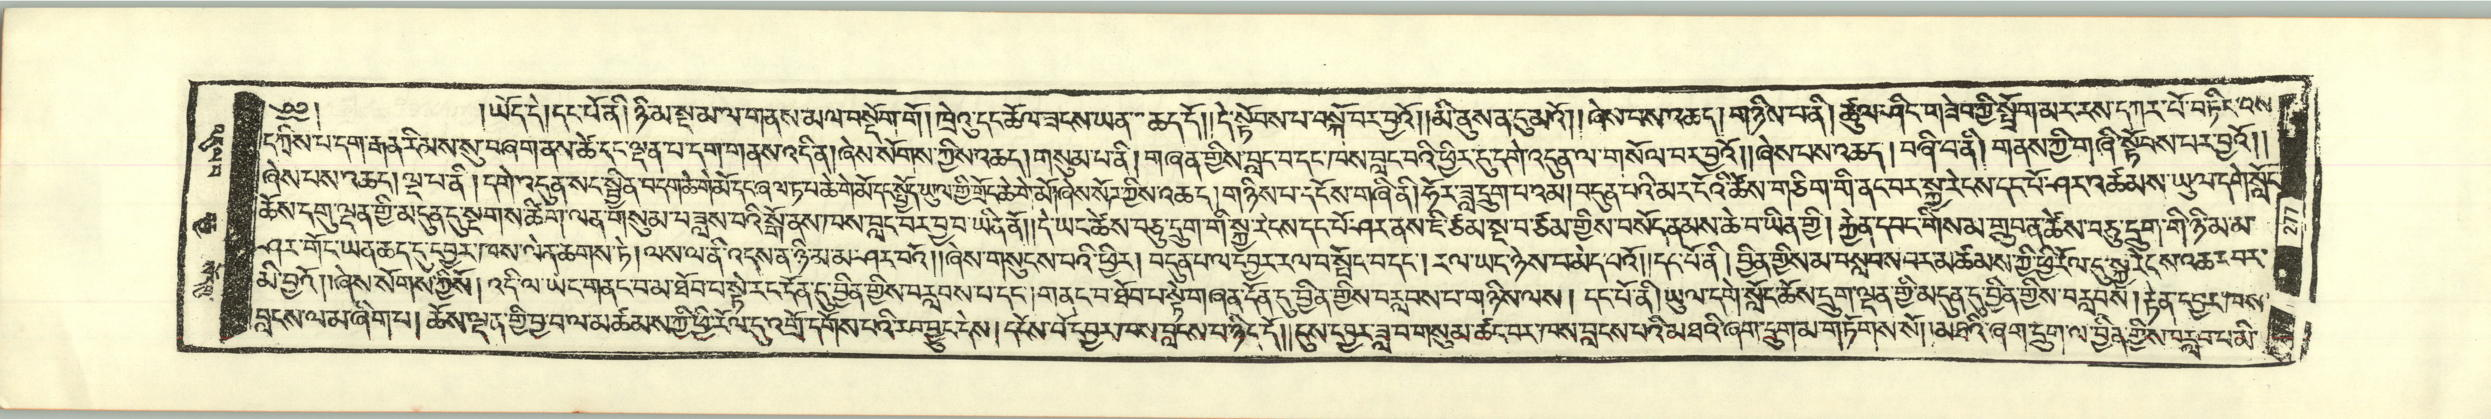༄༅། །ཡོད་དེ། དང་པོ་ནི། ཉི་མ་སྔ་མ་ལ་གནས་མལ་བསྡོག་གོ །ཁྲེའུ་དང་ཆོལ་ཟངས་ཡན་ཆད་དོ། །དེ་སྟོབས་པ་བསྐོ་བར་བྱའོ། །མི་ནུས་ན་དུ་མའོ། །ཞེས་པས་འཆད། གཉིས་པ་ནི། ཚུལ་ཤིང་གཟེབ་ཀྱི་སྤྲོག་མར་རས་དཀར་པོ་བཏིང་བས་
དཀྲིས་པ་དག་རྒན་རིམས་སུ་བཞག་ནས་ཚེ་དང་ལྡན་པ་དག་གནས་འདི་ན། ཞེས་སོགས་ཀྱིས་འཆད། གསུམ་པ་ནི། གཞན་གྱིས་བླང་བ་དང་ཁས་བླང་བའི་ཕྱིར་དུ་དགེ་འདུན་ལ་གསོལ་བར་བྱའོ། །ཞེས་པས་འཆད། བཞི་པ་ནི། གནས་ཀྱི་གཞི་སྟོབས་པར་བྱའོ། །
ཞེས་པས་འཆད། ལྔ་པ་ནི། དགེ་འདུན་སང་སྦྱིན་བདག་ཆེ་གེ་མོ་དང་ཞལ་ཏ་པ་ཆེ་གེ་མོ་དང་སྤྱོད་ཡུལ་གྱི་གྲོང་ཆེ་གེ་མོ། ཞེས་སོག་སྐྱིས་འཆད། གཉིས་པ་དངོས་གཞི་ནི། ཧོར་ཟླ་དྲུག་པ་འམ། བདུན་པའི་མར་ངོའི་ཚེས་གཅིག་གི་ནང་བར་སྐྱ་རེངས་དང་པོ་ཤར་འཚམས་ཡུལ་དགེ་སློང་
ཆོས་དགུ་ལྡན་གྱི་མདུན་དུ་སྔགས་ཚིག་ལན་གསུམ་བཟླས་བའི་སྒོ་ནས་ཁས་བླང་བར་བྱ་བ་ཡིན་ནོ། །དེ་ཡང་ཚེས་བཅུ་དྲུག་གི་སྐྱ་རེངས་དང་པོ་ཤར་ནས་ཇི་ཙམ་སྔ་བ་ཙམ་གྱིས་བསོད་ནམས་ཆེ་བ་ཡིན་གྱི། རྐྱེན་དབང་གིས་མ་གྲུབ་ན་ཚེས་བཅུ་དྲུག་གི་ཉི་མ་མ་
ཤར་གོང་ཡན་ཆད་དུ་དབྱར་ཁས་ལེན་ཆགས་ཏེ། ལས་ལ་ནི་འདས་ན་ཉི་མ་མ་ཤར་བའོ། །ཞེས་གསུངས་པའི་ཕྱིར། བདུན་པ་ལ་དབྱར་རལ་བ་སྤོང་བ་དང་། རལ་ཡང་ཉེས་པ་མེད་པའོ། །དང་པོ་ནི། བྱིན་གྱིས་མ་བསླབས་པར་མཚམས་ཀྱི་ཕྱི་རོལ་དུ་སྐྱ་རེངས་འཆར་བར་
མི་བྱའོ། །ཞེས་སོགས་ཀྱི་སོ། འདི་ལ་ཡང་གནང་བ་མ་ཐོབ་བ་སྟེ་རང་དོན་དུ་བྱིན་གྱིས་བརླབས་པ་དང་། གནང་བ་ཐོབ་པ་སྟེ་གཞན་དོན་དུ་བྱིན་གྱིས་བརླབས་པ་གཉིས་ལས། དང་པོ་ནི། ཡུལ་དགེ་སློང་ཆོས་དྲུག་ལྡན་གྱི་མདུན་དུ་བྱིན་གྱིས་བརླབས། རྟེན་དབྱར་ཁས་
བླངས་ལ་མ་ཞིག་པ། ཆོས་ལྡན་གྱི་བྱ་བ་ལ་མཚམས་ཀྱི་ཕྱི་རོལ་དུ་འགྲོ་དགོས་པའི་རབ་བྱུང་དེས། དངོས་པོ་དབྱར་ཁས་བླངས་པ་ཉིད་དོ། །དུས་དབྱར་ཟླ་བ་གསུམ་ཚང་བར་ཁས་བླངས་པའི་མཐའི་ཞག་དྲུག་མ་གཏོགས་སོ། །མཐའི་ཞག་དྲུག་ལ་བྱིན་གྱིས་བརླབ་པ་མི་